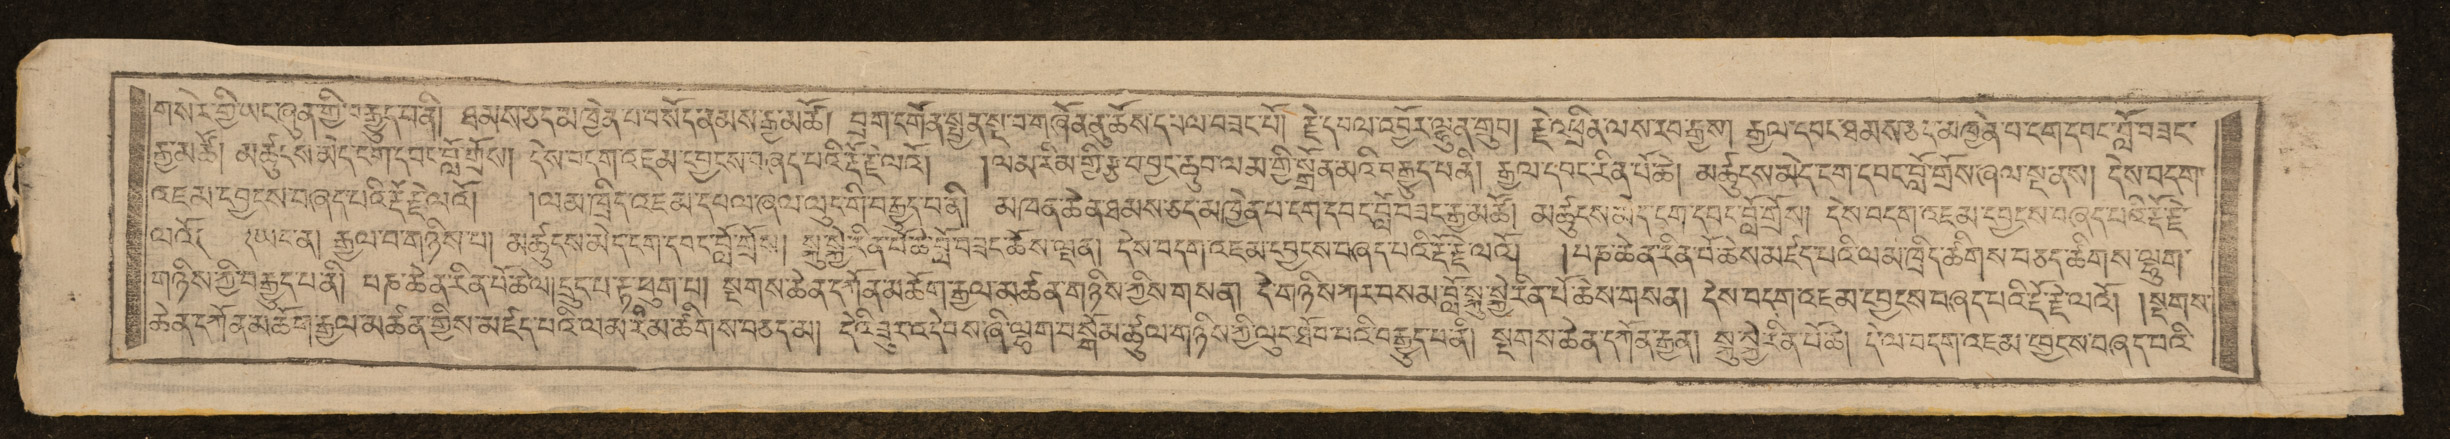གསེར་གྱི་ཡང་ཞུན་གྱི་བརྒྱུད་པ་ནི། ཐམས་ཅད་མཁྱེན་པ་བསོད་ནམས་རྒྱ་མཚོ། བྲག་དགོན་སྤྱན་སྔ་བ་གཞོན་ནུ་ཆོས་དཔལ་བཟང་པོ། རྗེ་དཔལ་འབྱོར་ལྷུན་གྲུབ། རྗེ་འཕྲིན་ལས་རབ་རྒྱས། རྒྱལ་དབང་ཐམས་ཅད་མཁྱེན་པ་དག་དབང་བློ་བཟང་
རྒྱ་མཚོ། མཚུངས་མེད་ངག་དབང་བློ་གྲོས། དེས་བདག་འཇམ་དབྱངས་བཞད་པའི་རྡོ་རྗེ་ལའོ། །ལམ་རིམ་གྱི་རྩ་བ་བྱང་ཆུབ་ལམ་གྱི་སྒྲོན་མའི་བརྒྱུད་པ་ནི། རྒྱལ་དབང་རིན་པོ་ཆེ། མཚུངས་མེད་ངག་དབང་བློ་གྲོས་ཞལ་སྔ་ནས། དེས་བདག་
འཇམ་དབྱངས་བཞད་པའི་རྡོ་རྗེ་ལའོ། །ལམ་ཁྲིད་འཇམ་དཔལ་ཞལ་ལུང་གི་བརྒྱུད་པ་ནི། མཁན་ཆེན་ཐམས་ཅད་མཁྱེན་པ་དགེ་དབང་བློ་བཟང་རྒྱ་མཚོ། མཚུངས་མེད་ངག་དབང་བློ་གྲོས། དེས་བདག་འཇམ་དབྱངས་བཞད་པའི་རྡོ་རྗེ་
ལའོ༑ ༑ཡང་ན། རྒྱལ་བ་གཉིས་པ། མཚུངས་མེད་ངག་དབང་བློ་གྲོས། སྐུ་སྐྱེ་རིན་པོ་ཆེ་བློ་བཟང་ཆོས་ལྡན། དེས་བདག་འཇམ་དབྱངས་བཞད་པའི་རྡོ་རྗེ་ལའོ། །པཎ་ཆེན་རིན་པོ་ཆེས་མཛད་པའི་ལམ་ཁྲིད་ཚིགས་བཅད་ཚིགས་ལྷུག་
གཉིས་ཀྱི་བརྒྱུད་པ་ནི། པཎ་ཆེན་རིན་པོ་ཆེ་ལ། དྲུང་པ་རྟ་ཕུག་པ། སྔགས་ཆེན་དཀོན་མཆོག་རྒྱལ་མཚན་གཉིས་ཀྱིས་གསན། དེ་གཉིས་ཀར་བསམ་བློ་སྐུ་སྐྱེ་རིན་པོ་ཆེས་གསན། དེས་བདག་འཇམ་དབྱངས་བཞད་པའི་རྡོ་རྗེ་ལའོ། །སྔགས་
ཆེན་དཀོན་མཆོག་རྒྱལ་མཚན་གྱིས་མཛད་པའི་ལམ་རིམ་ཚིགས་བཅད་མ། དེའི་ཟུར་འདེབས་ཞི་ལྷག་བསྒོམ་ཚུལ་གཉིས་ཀྱི་ལུང་ཐོབ་པའི་བརྒྱུད་པ་ནི། སྔགས་ཆེན་དཀོན་རྒྱན། སྐུ་སྐྱེ་རིན་པོ་ཆེ། དེ་ལ་བདག་འཇམ་དབྱངས་བཞད་པའི་